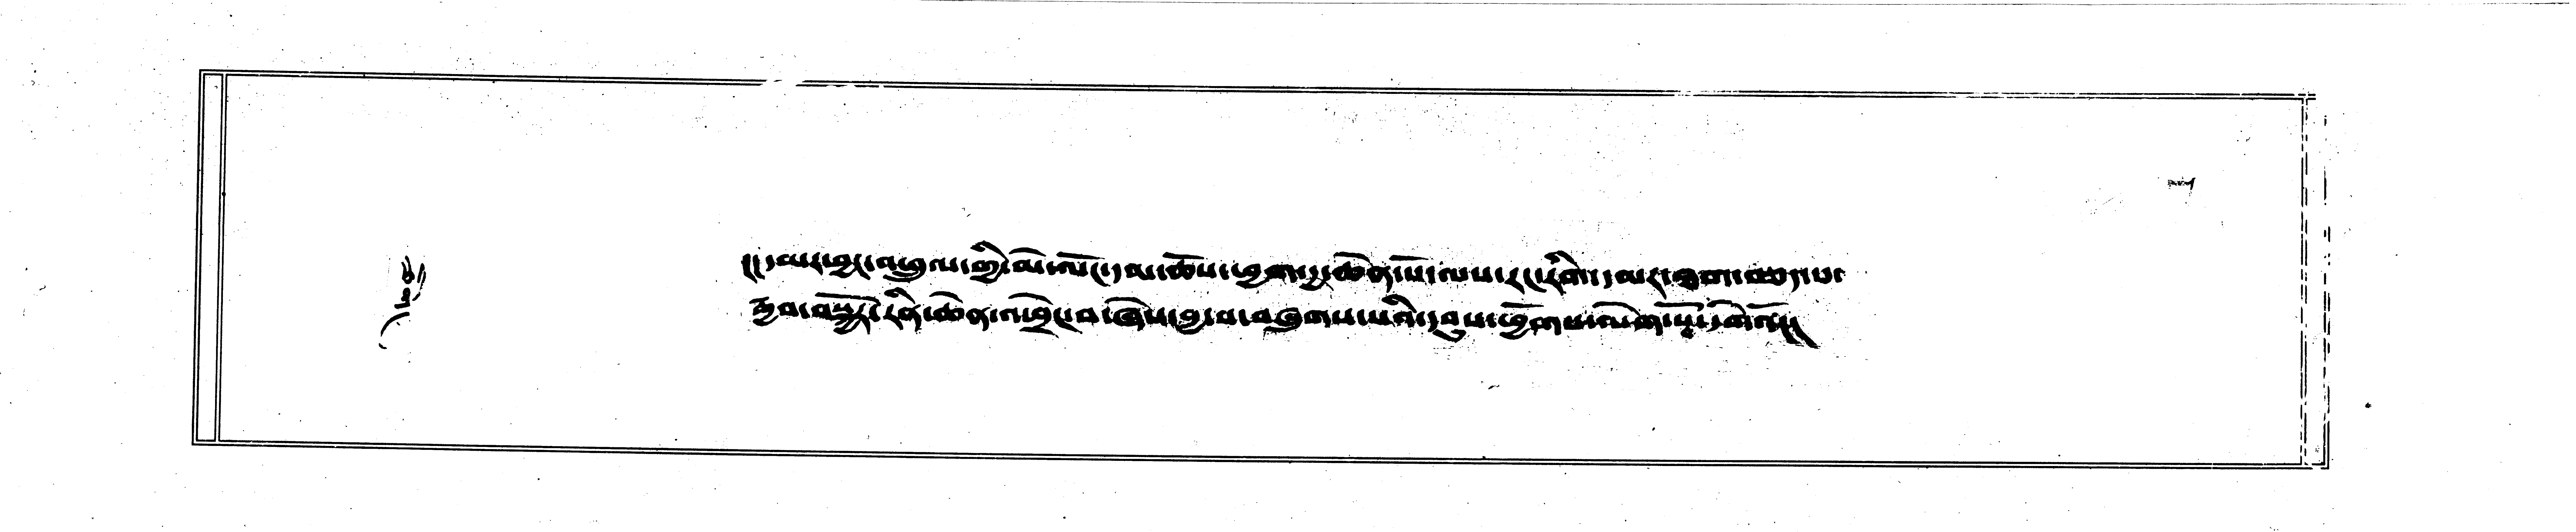དམར་བྱང་འཕྲུལ་གྱི་མེ་ལོང་དམ་ཆོས་ཕྱག་རྒྱ་ཆེན་པོ་ལས་རང་རིག་དམར་ཐག་བཅད་པ་
རྐྱབ་སྦྱོར་རིན་ཆེན་ཕྲེང་བ་ཞེས་བྱ་བ་བཞུགས་པའི་དབུས་ཕྱོགས་ལེགས་སྭོ་དགེའོ།། །།